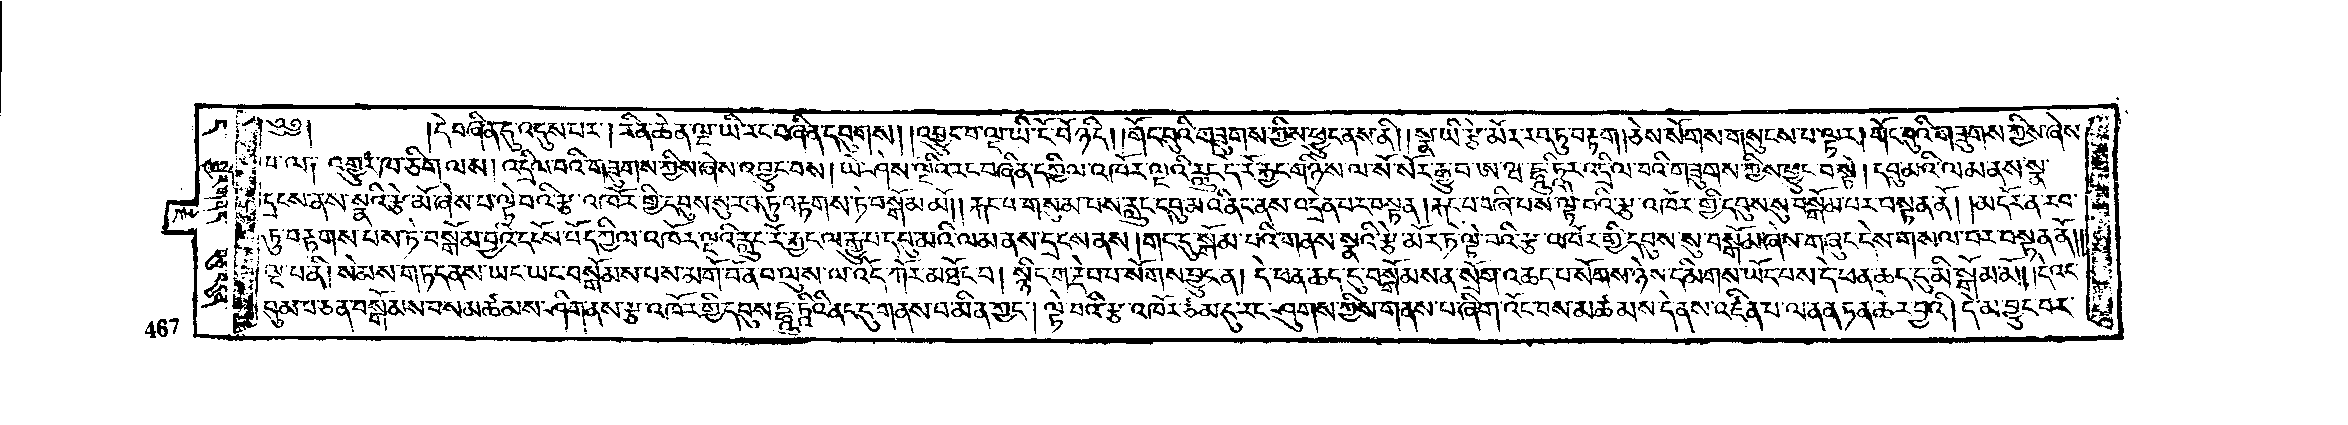༄༅། །དེ་བཞིན་དུ་འདུས་པར། རིན་ཆེན་ལྔ་ཡི་རང་བཞིན་དབུགས། །འབྱུང་བ་ལྔ་ཡི་ངོ་བོ་ཉིད། །གོང་བུའི་གཟུགས་ཀྱིས་ཕྱུང་ནས་ནི། །སྣ་ཡི་རྩེ་མོར་རབ་ཏུ་བརྟག །ཅེས་སོགས་གསུངས་པ་ལྟར། གོང་བུའི་གཟུགས་ཀྱིས་ཞེས་
པ་ལ། འགྱུར་ཁ་ཅིག་ལས། འདྲིལ་བའི་གཟུགས་ཀྱིས་ཞེས་འབྱུང་བས། ཡེ་ཤེས་ལྔའི་རང་བཞིན་དཀྱིལ་འཁོར་ལྔའི་རླུང་དེ་རོ་རྐྱང་གཉིས་ལ་སོ་སོར་རྒྱུ་བ་ཨ་ཝ་དྷཱུ་ཏཱིར་འདྲིལ་བའི་གཟུགས་ཀྱིས་ཕྱུང་བ་སྟེ། དབུ་མའི་ལམ་ནས་སྣ་
དྲངས་ནས་སྣའི་རྩེ་མོ་ཞེས་པ་ལྟེ་བའི་རྩ་འཁོར་གྱི་དབུས་སུ་རབ་ཏུ་བརྟགས་ཏེ་བསྒོམ་མོ། །རྐང་པ་གསུམ་པས་རླུང་དབུ་མའི་ནང་ནས་འདྲེན་པར་བསྟན། རྐང་པ་བཞི་པས་ལྟེ་བའི་རྩ་འཁོར་གྱི་དབུས་སུ་བསྒོམ་པར་བསྟན་ནོ། །མདོར་ན་རབ་
ཏུ་བརྟགས་པས་ཏེ་བསྒོམ་བྱའི་དངོས་པོ་དཀྱིལ་འཁོར་ལྔའི་རླུང་རོ་རྐྱང་ལ་རྒྱུ་བ་དབུ་མའི་ལམ་ནས་དྲངས་ནས། གང་དུ་སྒོམ་པའི་གནས་སྣའི་རྩེ་མོར་ཏེ་ལྟེ་བའི་རྩ་འཁོར་གྱི་དབུས་སུ་བསྒོམ་ཞེས་གཞུང་དེས་གསལ་བར་བསྟན་ནོ། །
ལྔ་པ་ནི། སེམས་གཏད་ནས་ཡང་ཡང་བསྒོམས་པས་མགོ་བོ་ན་བ་ལུས་ལ་འོད་ཀོར་མཐོང་བ། སྙིང་ག་རྡེབ་པ་སོགས་བྱུང་ན། དེ་ཕན་ཆད་དུ་བསྒོམས་ན་སྲོག་འཆད་པ་སོགས་ཉེས་དམིགས་ཡོད་པས་དེ་ཕན་ཆད་དུ་མི་སྒོམ་མོ། །དེའང་
བུམ་པ་ཅན་བསྒོམས་པས་མཚམས་ཤིག་ནས་རྩ་འཁོར་གྱི་དབུས་དྷཱུ་ཏཱིའི་ནང་དུ་གནས་པ་མིན་ཀྱང་། ལྟེ་བའི་རྩ་འཁོར་ཙམ་དུ་རང་ཤུགས་ཀྱིས་གནས་པ་ཞིག་འོང་བས་མཚམས་དེ་ནས་འཛིན་པ་ལ་ནན་ཏན་ཆེར་བྱའི། དེ་མ་བྱུང་བར་